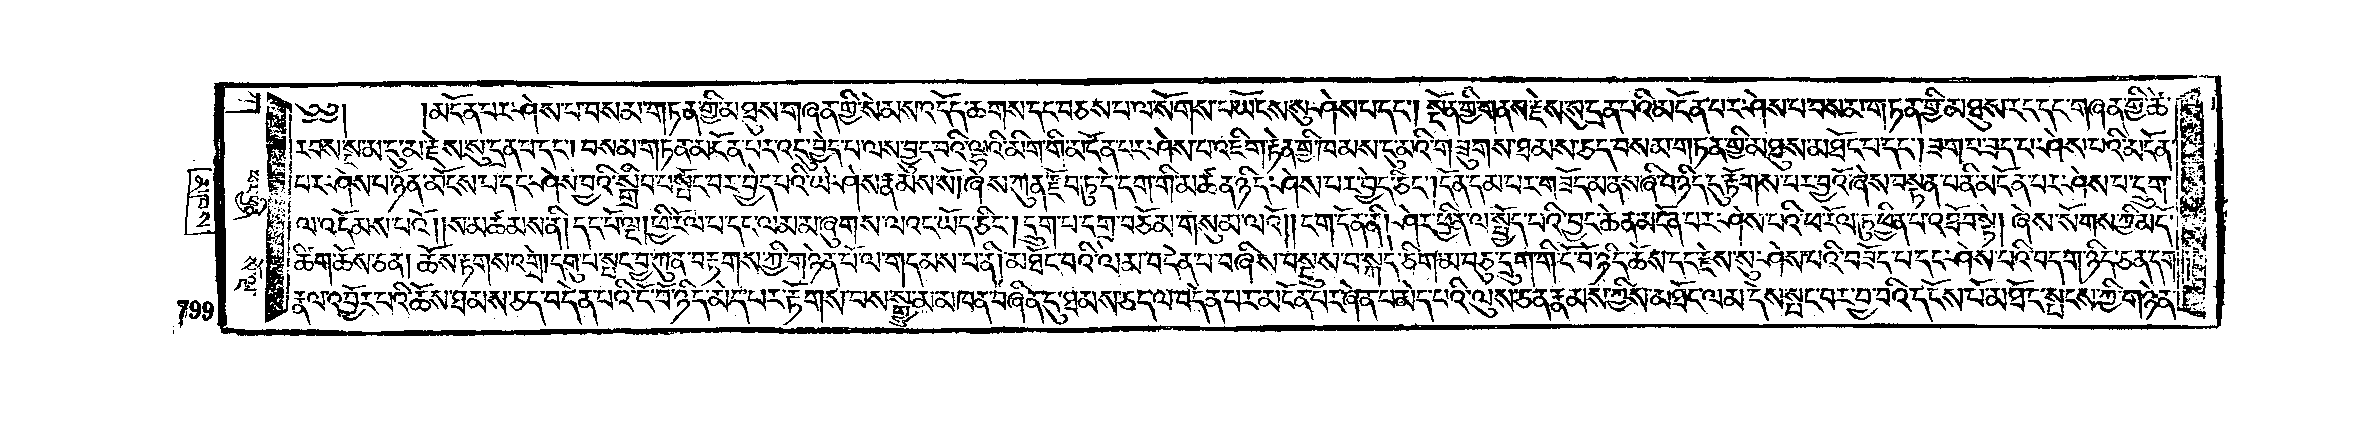༄༅། །མངོན་པར་ཤེས་པ་བསམ་གཏན་གྱི་མཐུས་གཞན་གྱི་སེམས་འདོད་ཆགས་དང་བཅས་པ་ལ་སོགས་པ་ཡོངས་སུ་ཤེས་པ་དང་། སྔོན་གྱི་གནས་རྗེས་སུ་དྲན་པའི་མངོན་པར་ཤེས་པ་བསམ་གཏན་གྱི་མཐུས་རང་དང་གཞན་གྱི་ཚེ་
རབས་སྔ་མ་དུ་མ་རྗེས་སུ་དྲན་པ་དང་། བསམ་གཏན་མངོན་པར་འདུ་བྱེད་པ་ལས་བྱུང་བའི་ལྷའི་མིག་གི་མངོན་པར་ཤེས་པ་འཇིག་རྟེན་གྱི་ཁམས་དུ་མའི་གཟུགས་ཐམས་ཅད་བསམ་གཏན་གྱི་མཐུས་མཐོང་བ་དང་། ཟག་པ་ཟད་པ་ཤེས་པའི་མངོན་
པར་ཤེས་པ་ཉོན་མོངས་པ་དང་ཤེས་བྱའི་སྒྲིབ་པ་སྤོང་བར་བྱེད་པའི་ཡེ་ཤེས་རྣམས་སོ། ཞེས་ཀུན་རྫོབ་ཏུ་དེ་དག་གི་མཚན་ཉིད་ཤེས་པར་བྱེད་ཅིང་། དོན་དམ་པར་གཟོད་མ་ནས་ཞི་བ་ཉིད་དུ་རྟོགས་པར་བྱའོ་ཞེས་བསྟན་པ་ནི་མངོན་པར་ཤེས་པ་དྲུག་
ལ་འདོམས་པའོ། །ས་མཚམས་ནི། དང་པོ་ལྔ། ཕྱི་རོལ་པ་དང་ལམ་མ་ཞུགས་ལའང་ཡོད་ཅིང་། དྲུག་པ་དགྲ་བཅོམ་གསུམ་ལའོ། །ངག་དོན་ནི། ཤེར་ཕྱིན་ལ་སྤྱོད་པའི་བྱང་ཆེན་མངོན་པར་ཤེས་པའི་ཕ་རོལ་ཏུ་ཕྱིན་པ་འཐོབ་སྟེ། ཞེས་སོགས་ཀྱི་མདོ་
ཚིག་ཆོས་ཅན། ཆོས་རྟགས་འགྲེ། དགུ་པ་སྤང་བྱ་ཀུན་བརྟགས་ཀྱི་གཉེན་པོ་ལ་གདམས་པ་ནི། མཐོང་བའི་ལམ་བདེན་པ་བཞིས་བསྡུས་པ་སྐད་ཅིག་མ་བཅུ་དྲུག་གི་ངོ་བོ་ཉིད་ཆོས་དང་རྗེས་སུ་ཤེས་པའི་བཟོད་པ་དང་ཤེས་པའི་བདག་ཉིད་ཅན་དག་
རྣལ་འབྱོར་པའི་ཆོས་ཐམས་ཅད་བདེན་པའི་ངོ་བོ་ཉིད་མེད་པར་རྟོགས་པས་སྒྱུ་མ་མཁན་བཞིན་དུ་ཐམས་ཅད་ལ་བདེན་པར་མངོན་པར་ཞེན་པ་མེད་པའི་ལུས་ཅན་རྣམས་ཀྱིས་མཐོང་ལམ་དེས་སྤང་བར་བྱ་བའི་དངོས་པོ་མཐོང་སྤངས་ཀྱི་གཉེན་